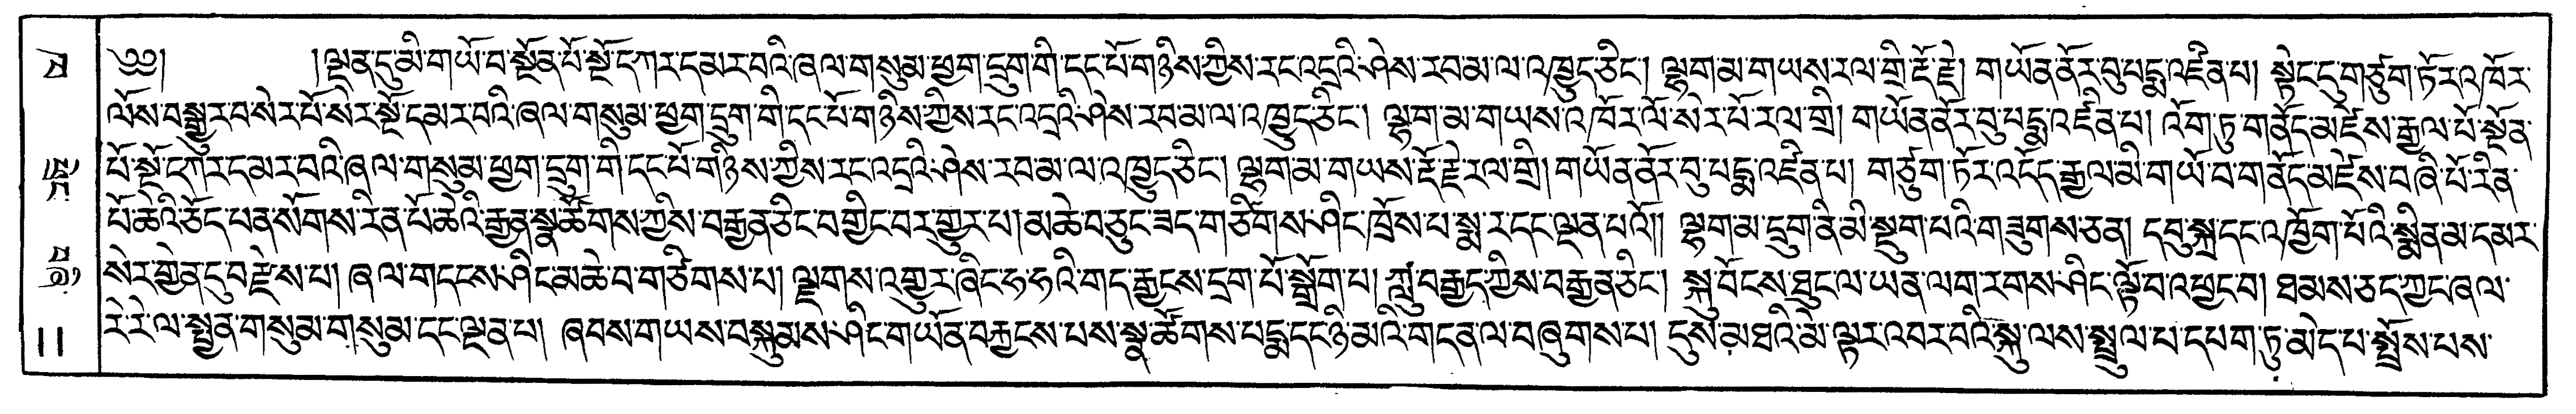༄༅། །ལྡན་དུ་མི་གཡོ་བ་སྔོན་པོ་སྔོ་དཀར་དམར་བའི་ཞལ་གསུམ་ཕྱག་དྲུག་གི་དང་པོ་གཉིས་ཀྱིས་རང་འདྲའི་ཤེས་རབ་མ་ལ་འཁྱུད་ཅིང་། ལྷག་མ་གཡས་རལ་གྲི་རྡོ་རྗེ། གཡོན་ནོར་བུ་པདམ་འཛིན་པ། སྟེང་དུ་གཙུག་ཏོར་འཁོར་
ལོས་བསྒྱུར་བ་སེར་པོ་སེར་སྔོ་དམར་བའི་ཞལ་གསུམ་ཕྱག་དྲུག་གི་དང་པོ་གཉིས་ཀྱིས་རང་འདྲའི་ཤེས་རབ་མ་ལ་འཁྱུད་ཅིང་། ལྷག་མ་གཡས་འཁོར་ལོ་སེར་པོ་རལ་གྲི། གཡོན་ནོར་བུ་པདམ་འཛིན་པ། འོག་ཏུ་གནོད་མཛེས་རྒྱལ་པོ་སྔོན་
པོ་སྔོ་དཀར་དམར་བའི་ཞལ་གསུམ་ཕྱག་དྲུག་གི་དང་པོ་གཉིས་ཀྱིས་རང་འདྲའི་ཤེས་རབ་མ་ལ་འཁྱུད་ཅིང་། ལྷག་མ་གཡས་རྡོ་རྗེ་རལ་གྲི། གཡོན་ནོར་བུ་པདམ་འཛིན་པ། གཙོར་ཏོར་འདོད་རྒྱལ་མི་གཡོ་བ་གནོད་མཛེས་བཞི་པོ་རིན་
པོ་ཆེའི་ཅོད་པན་སོགས་རིན་པོ་ཆེའི་རྒྱན་སྣ་ཚོགས་ཀྱིས་བརྒྱན་ཅིང་བགྱིང་བར་གྱུར་པ། མཆེ་བ་ཅུང་ཟད་གཙིགས་ཤིང་ཁྲོས་པ་སྨ་ར་དང་ལྡན་པའོ། །ལྷག་མ་དྲུག་ནི་མི་སྡུག་པའི་གཟུགས་ཅན། དབུ་སྐྲ་དང་འཁྱོག་པོའི་སྨིན་མ་དམར་
སེར་གྱེན་དུ་བརྫེས་པ། ཞལ་གདངས་ཤིང་མཆེ་བ་གཙིགས་པ། ལྗགས་འགྱུར་ཞིང་ཧ་ཧའི་གད་རྒྱངས་དྲག་པོ་སྒྲོག་པ། ཀླུ་བརྒྱད་ཀྱིས་བརྒྱན་ཅིང་། སྐུ་བོངས་ཐུང་ལ་ཡན་ལག་རགས་ཤིང་ལྟོ་བ་འཕྱང་བ། ཐམས་ཅད་ཀྱང་ཞལ་
རེ་རེ་ལ་སྤྱན་གསུམ་གསུམ་དང་ལྡན་པ། ཞབས་གཡས་བསྐུམས་ཤིང་གཡོན་བརྐྱངས་པས་སྣ་ཚོགས་པདམ་དང་ཉི་མའི་གདན་ལ་བཞུགས་པ། དུས་མཐའི་མེ་ལྟར་འབར་བའི་སྐུ་ལས་སྤྲུལ་པ་དཔག་ཏུ་མེད་པ་སྤྲོས་པས་